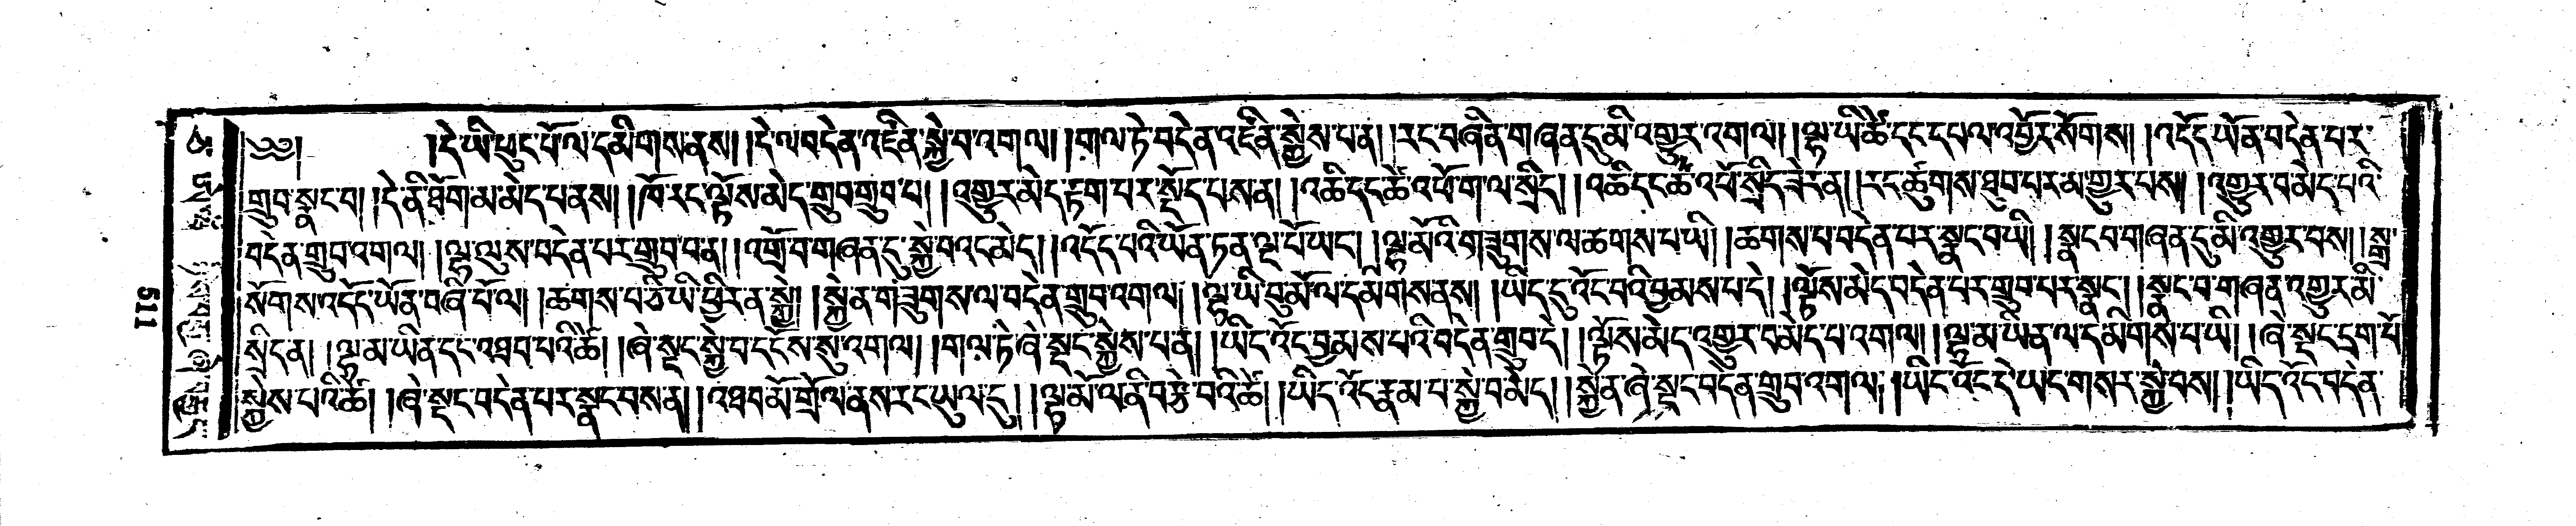༄༅། །དེ་ཡི་ཕུང་པོ་ལ་དམིགས་ནས། །དེ་ལ་བདེན་འཛིན་སྐྱེ་བ་འགལ། །གལ་ཏེ་བདེན་འཛིན་སྐྱེས་པ་ན། །རང་བཞིན་གཞན་དུ་མི་འགྱུར་འགལ། །ལྷ་ཡི་ཚེ་དང་དཔལ་འབྱོར་སོགས། །འདོད་ཡོན་བདེན་པར་
གྲུབ་སྣང་བ། །དེ་ནི་ཐོག་མ་མེད་པ་ནས། །ཁོ་རང་ལྟོས་མེད་གྲུབ་གྲུབ་པ། །འགྱུར་མེད་རྟག་པར་སྡོད་པས་ན། །འཆི་དང་ཚེ་འཕོ་ག་ལ་སྲིད། །འཆི་དང་ཚེ་འཕོ་སྲིད་ཟེར་ན། །རང་ཚུགས་ཐུབ་པར་མ་གྱུར་པས། །འགྱུར་བ་མེད་པའི་
བདེན་གྲུབ་འགལ། །ལྷ་ལུས་བདེན་པར་གྲུབ་པ་ན། །འགྲོ་བ་གཞན་དུ་སྐྱེ་བའང་མེད། །འདོད་པའི་ཡོན་ཏན་ལྔ་པོ་ཡང་། །ལྷ་མོའི་གཟུགས་ལ་ཆགས་པ་ཡི། །ཆགས་པ་བདེན་པར་སྣང་བ་ཡི། །སྣང་བ་གཞན་དུ་མི་འགྱུར་བས། །སྒྲ་
སོགས་འདོད་ཡོན་བཞི་པོ་ལ། །ཆགས་པ་ཅི་ཡི་ཕྱིར་ན་སྐྱེ། །སྐྱེ་ན་གཟུགས་ལ་བདེན་གྲུབ་འགལ། །ལྷ་ཡི་བུ་མོ་ལ་དམིགས་ནས། །ཡིད་དུ་འོང་བའི་བྱམས་པ་དེ། །ལྟོས་མེད་བདེན་པར་གྲུབ་པར་སྣང་། །སྣང་བ་གཞན་འགྱུར་མི་
སྲིད་ན། །ལྷམ་ཡིན་དང་འཐབ་པའི་ཚེ། །ཞེ་སྡང་སྐྱེ་བ་དངོས་སུ་འགལ། །གལ་ཏེ་ཞེ་སྡང་སྐྱེས་པ་ན། །ཡིད་འོང་བྱམས་པའི་བདེན་གྲུབ་དེ། །ལྟོས་མེད་འགྱུར་བ་མེད་པ་འགལ། །ལྷ་མ་ཡིན་ལ་དམིགས་པ་ཡི། །ཞེ་སྡང་དྲག་པོ་
སྐྱེས་པའི་ཚེ། །ཞེ་སྡང་བདེན་པར་སྣང་བས་ན། །འཐབ་མོ་གྲོལ་ནས་རང་ཡུལ་དུ། །ལྷ་མོ་ལ་ནི་བརྩེ་བའི་ཚེ། །ཡིད་འོང་རྣ་པ་སྐྱེ་བ་མེད། །སྐྱེ་ན་ཞེ་སྡང་བདེན་གྲུབ་འག། །ཡིད་འོང་དེ་ཡང་གསར་སྐྱེས་བས། །ཡིད་འོང་བདེན་